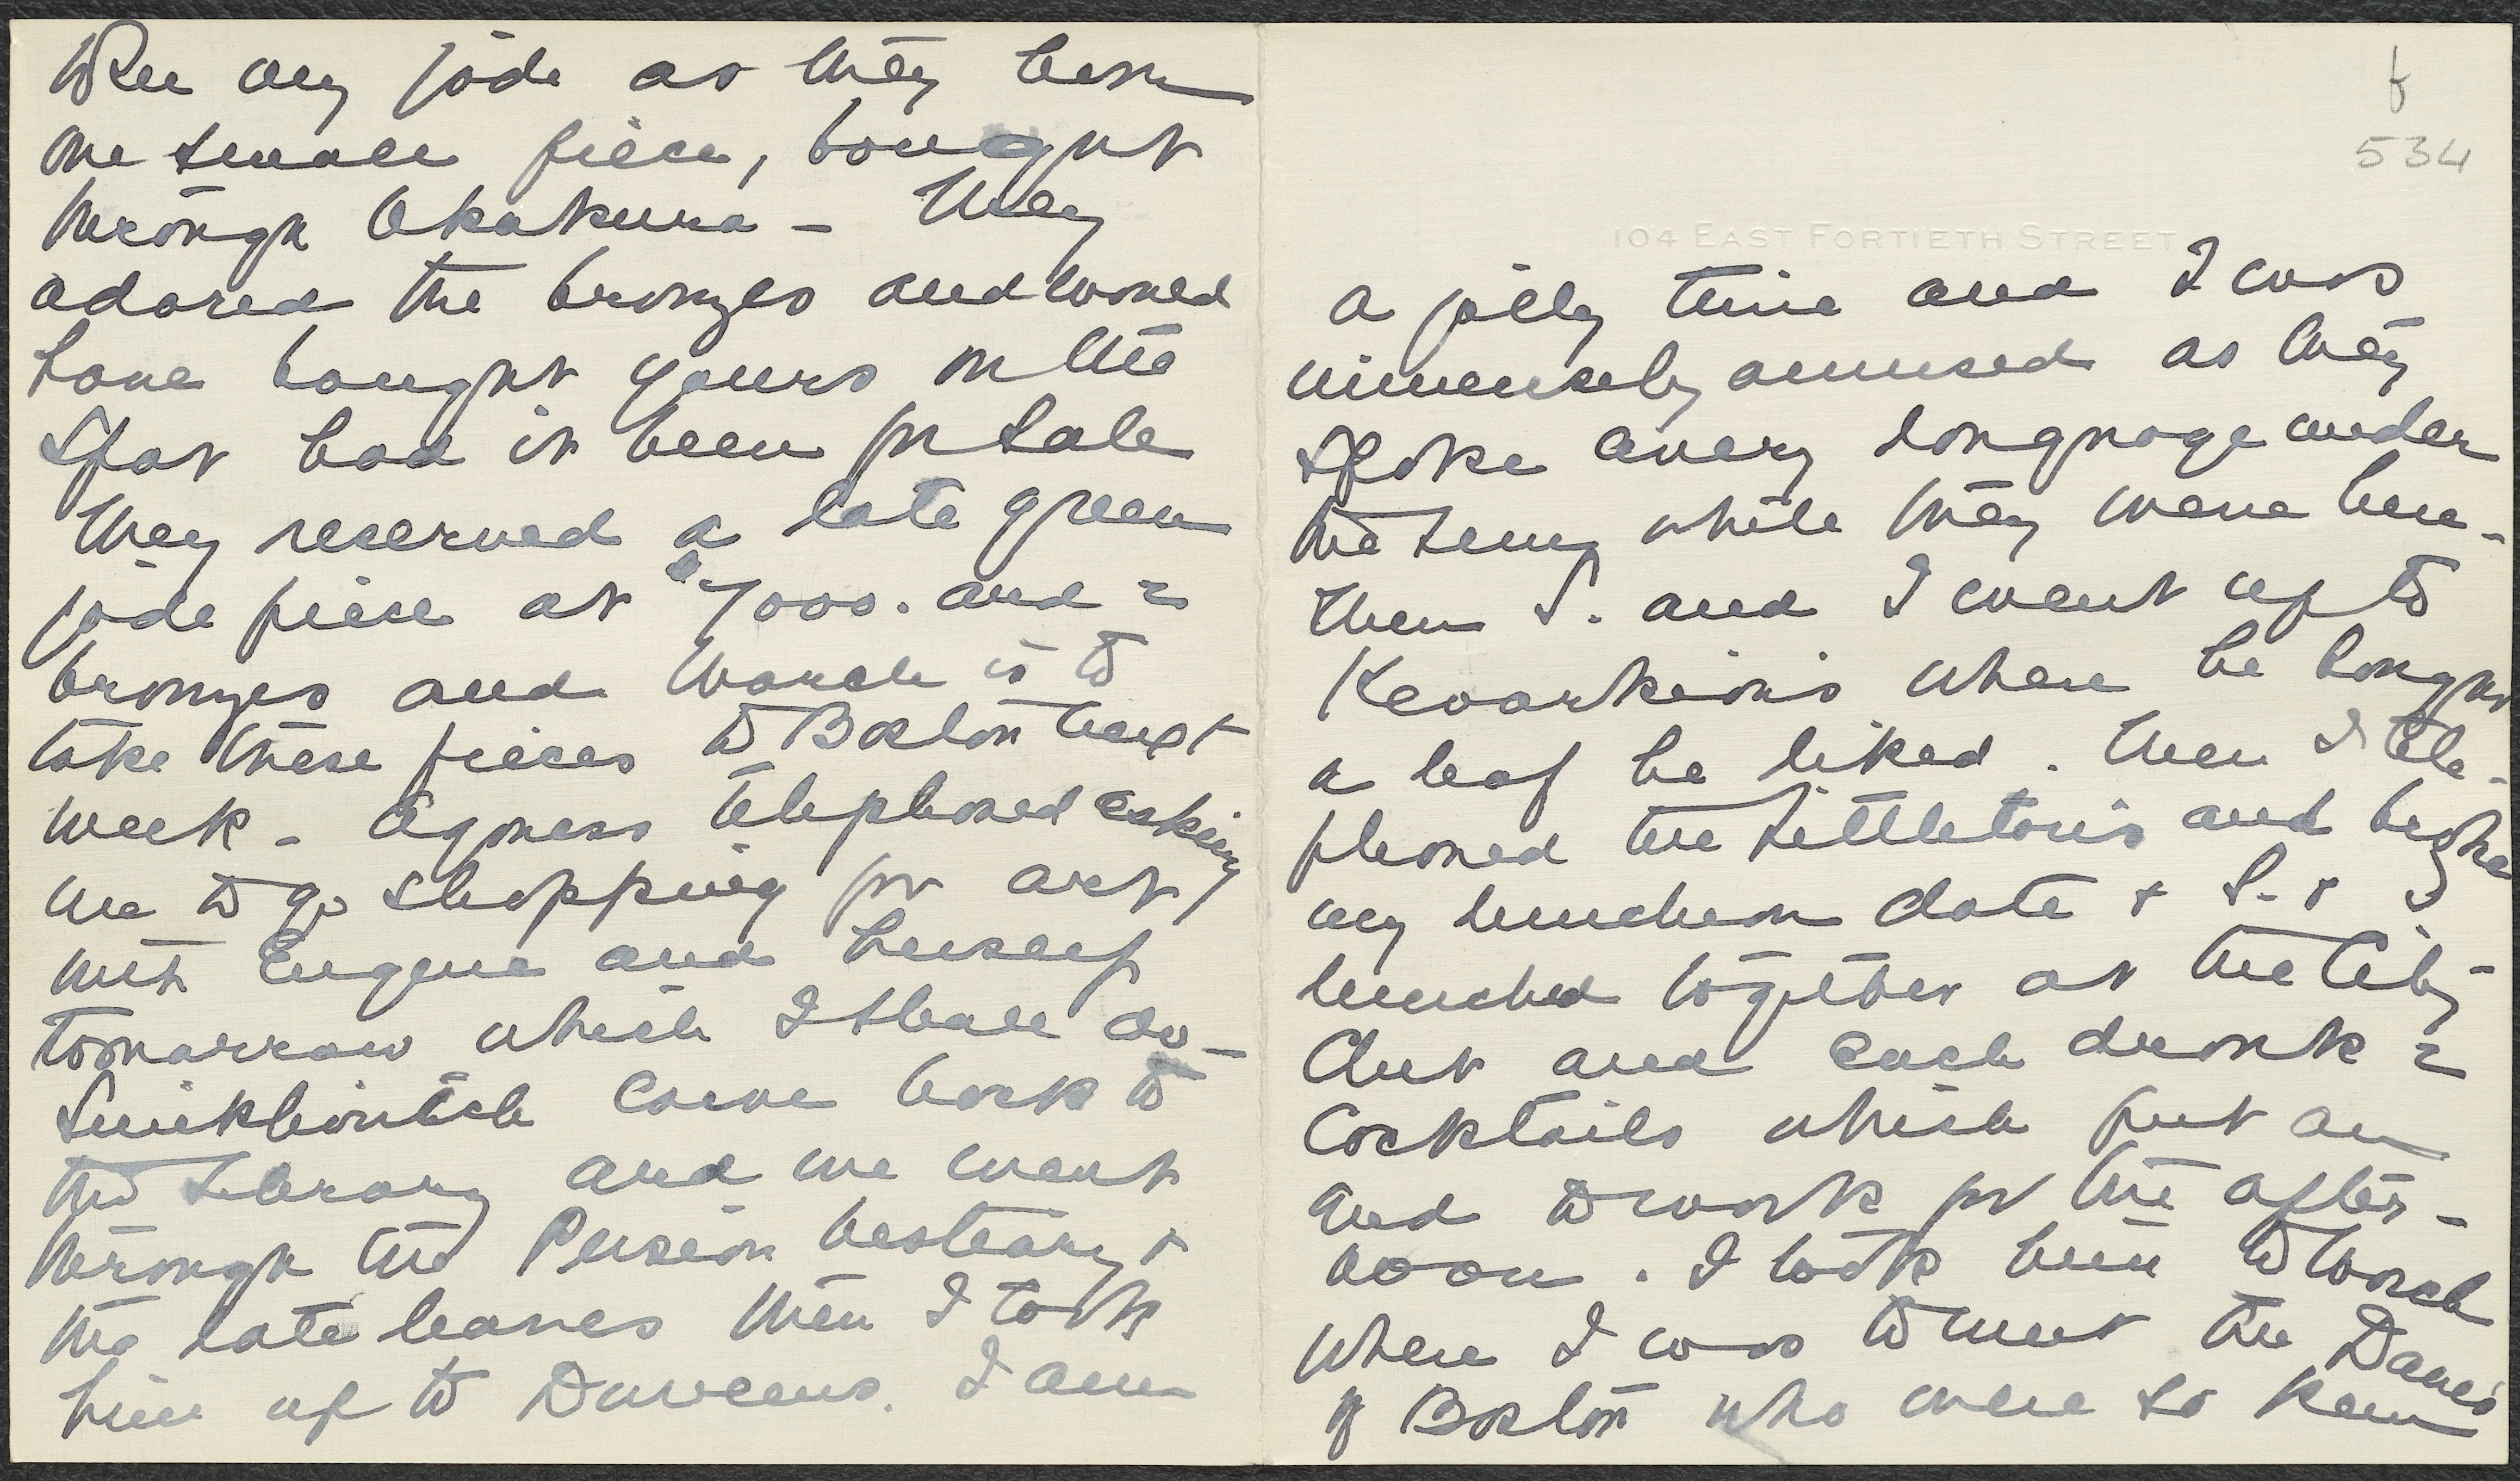a jolly time and I was immensely amused as they spoke every language under the sun while they were here – then S. and I went up to Kevorkian’s where he bought a lead he liked. Then I telephoned the Littleton’s and broke my luncheon date & S. & I lunched together at the City Club and each drank 2 cocktails which put an end to work for the afternoon. I took him to Worch where I was to meet the Danes of Boston who were so keen
to see my jade as they have one small piece, bought through Okakura – They adored the bronzes and would have bought yours on the spot had it been for sale They reserved a late green jade piece at $7000. and 2 bronzes and Worch is to take these pieces to Boston next week – Agoness telephoned asking me to go shopping for art with Eugene and herself tomorrow which I shall do – Simkhovitch came back to the Library and we went through the Persian bestiary & the late leaves then I took him up to Duveens. I am